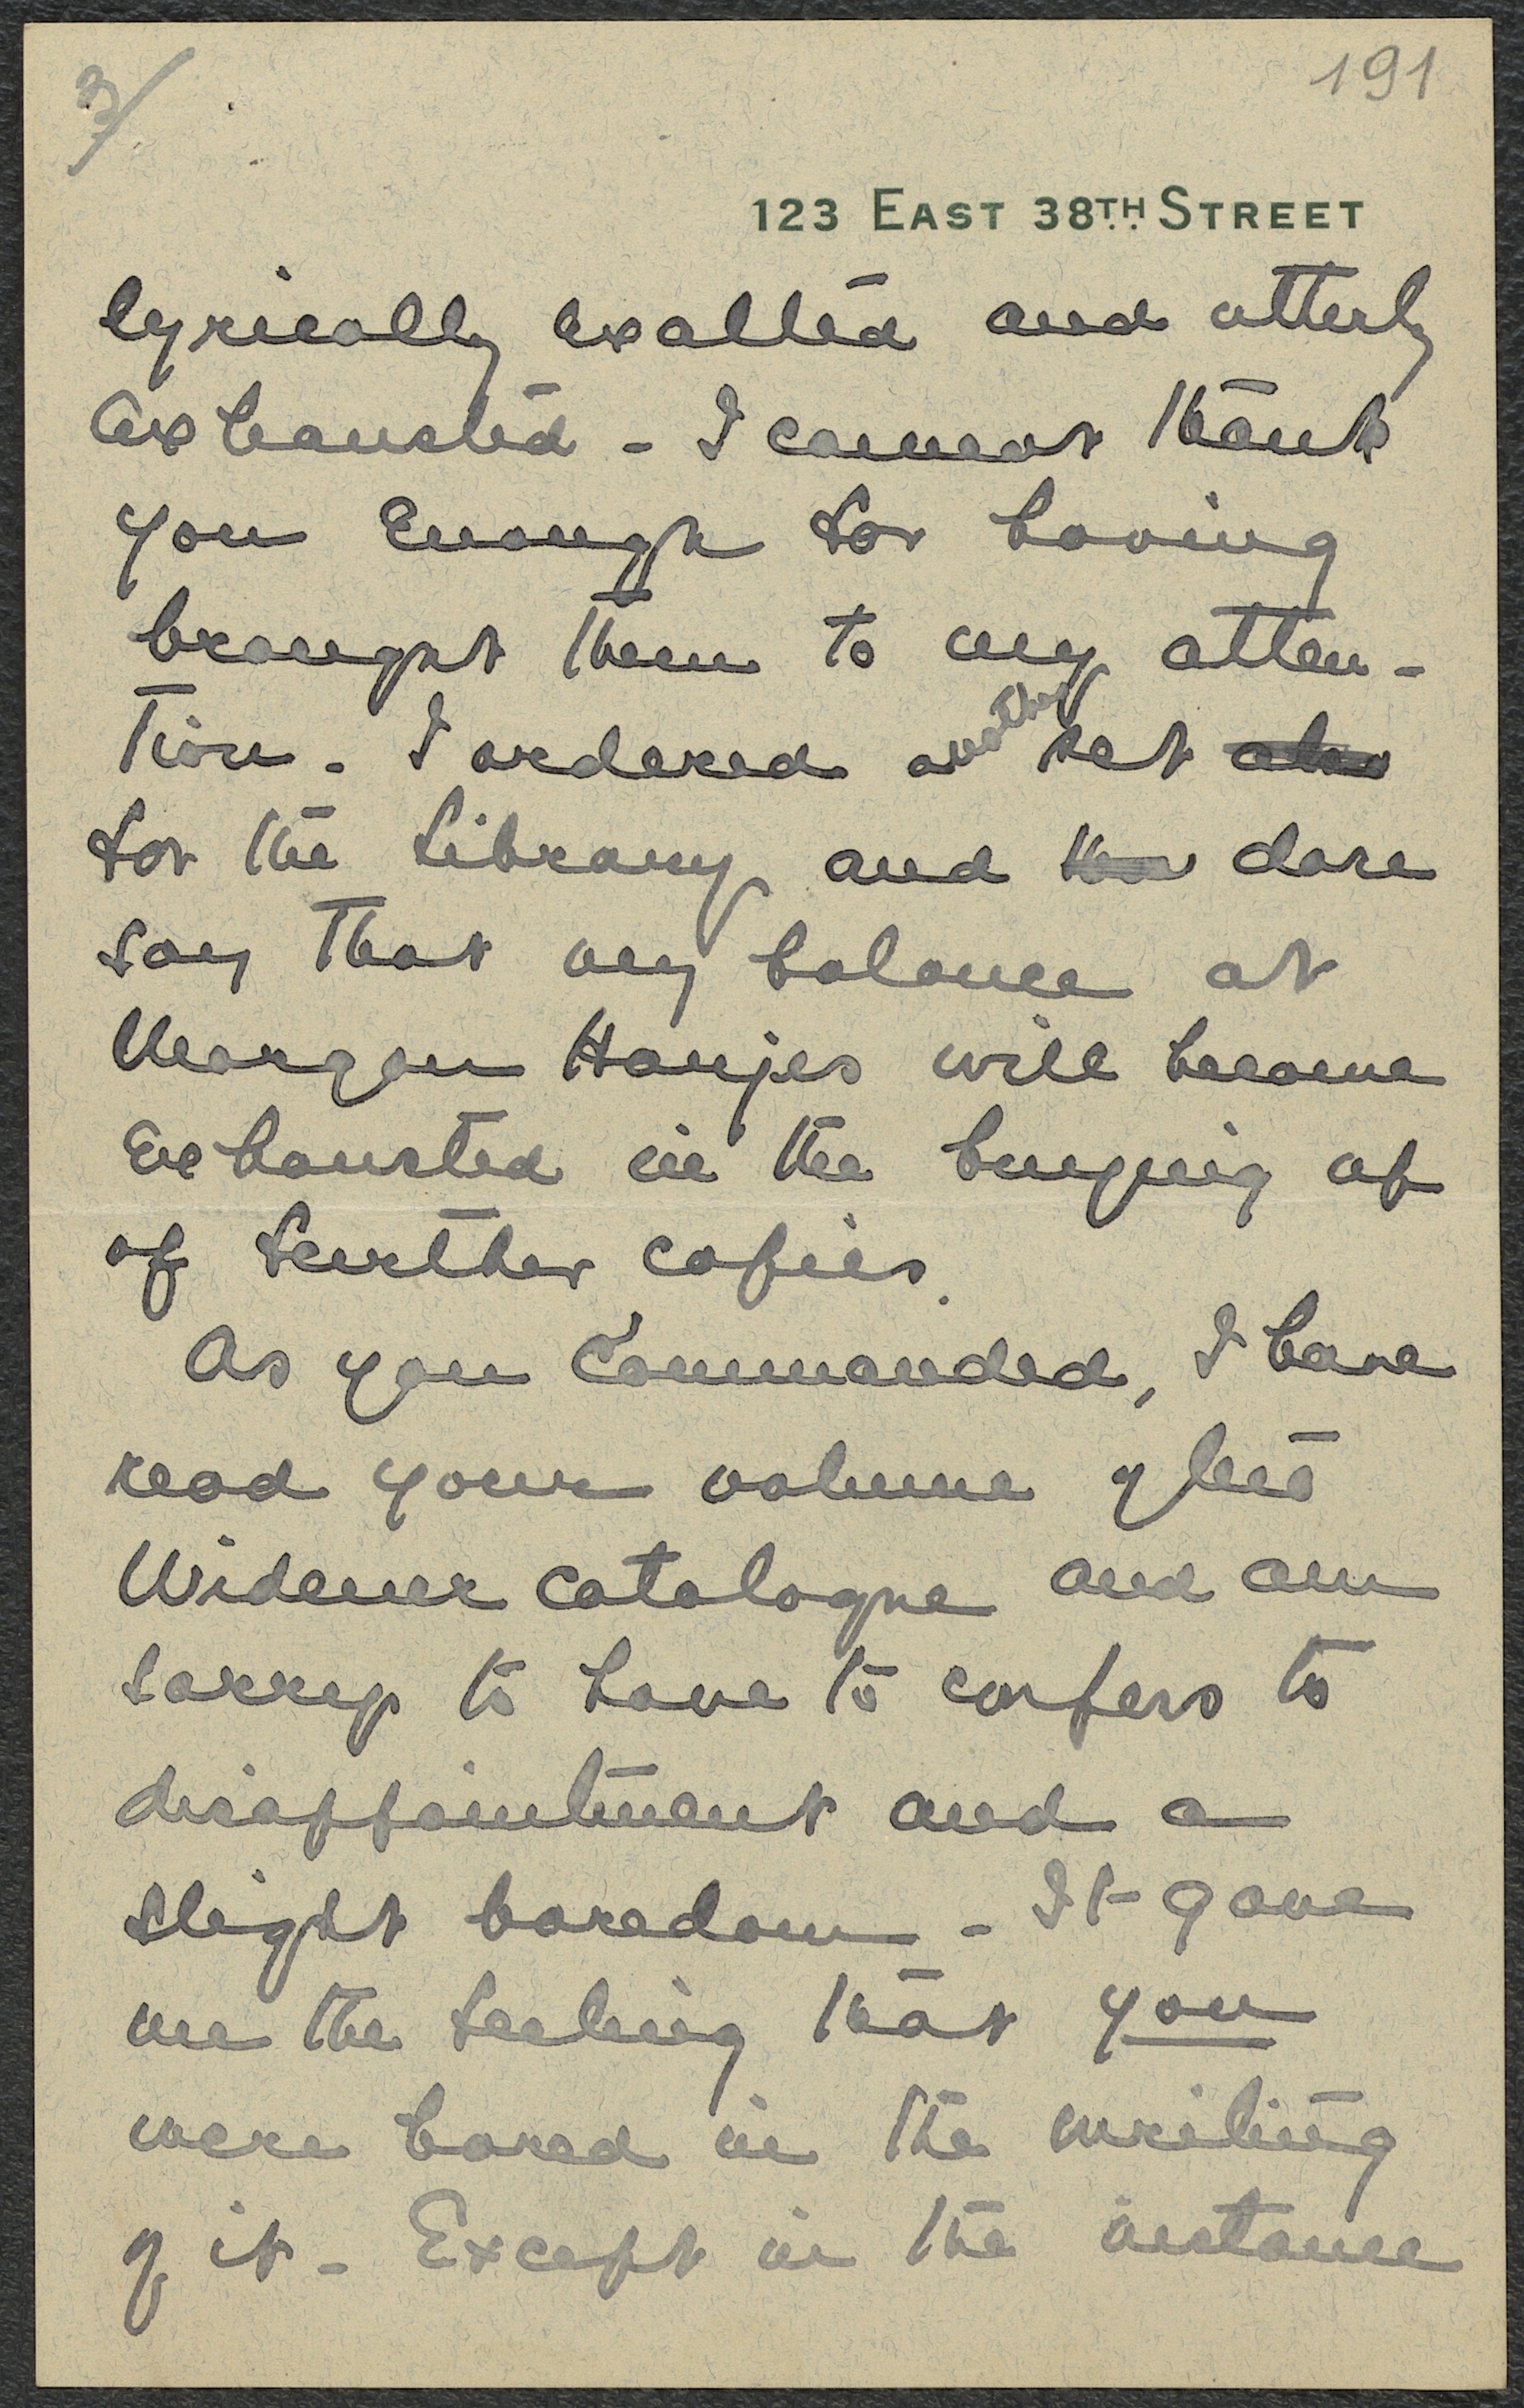lyrically exalted and utterly exhausted – I cannot thank you enough for having brought them to my attention – I ordered a[^nother^] set also for the Library, and the dare say that my balance at Morgan Harjes will become exhausted in the buying up of further copies.
As you commanded, I have read your volume of the Widener catalogue and am sorry to have to confess to disappointment and a slight boredom – It gave me the feeling that you were bored in the writing of it – Except in the instance